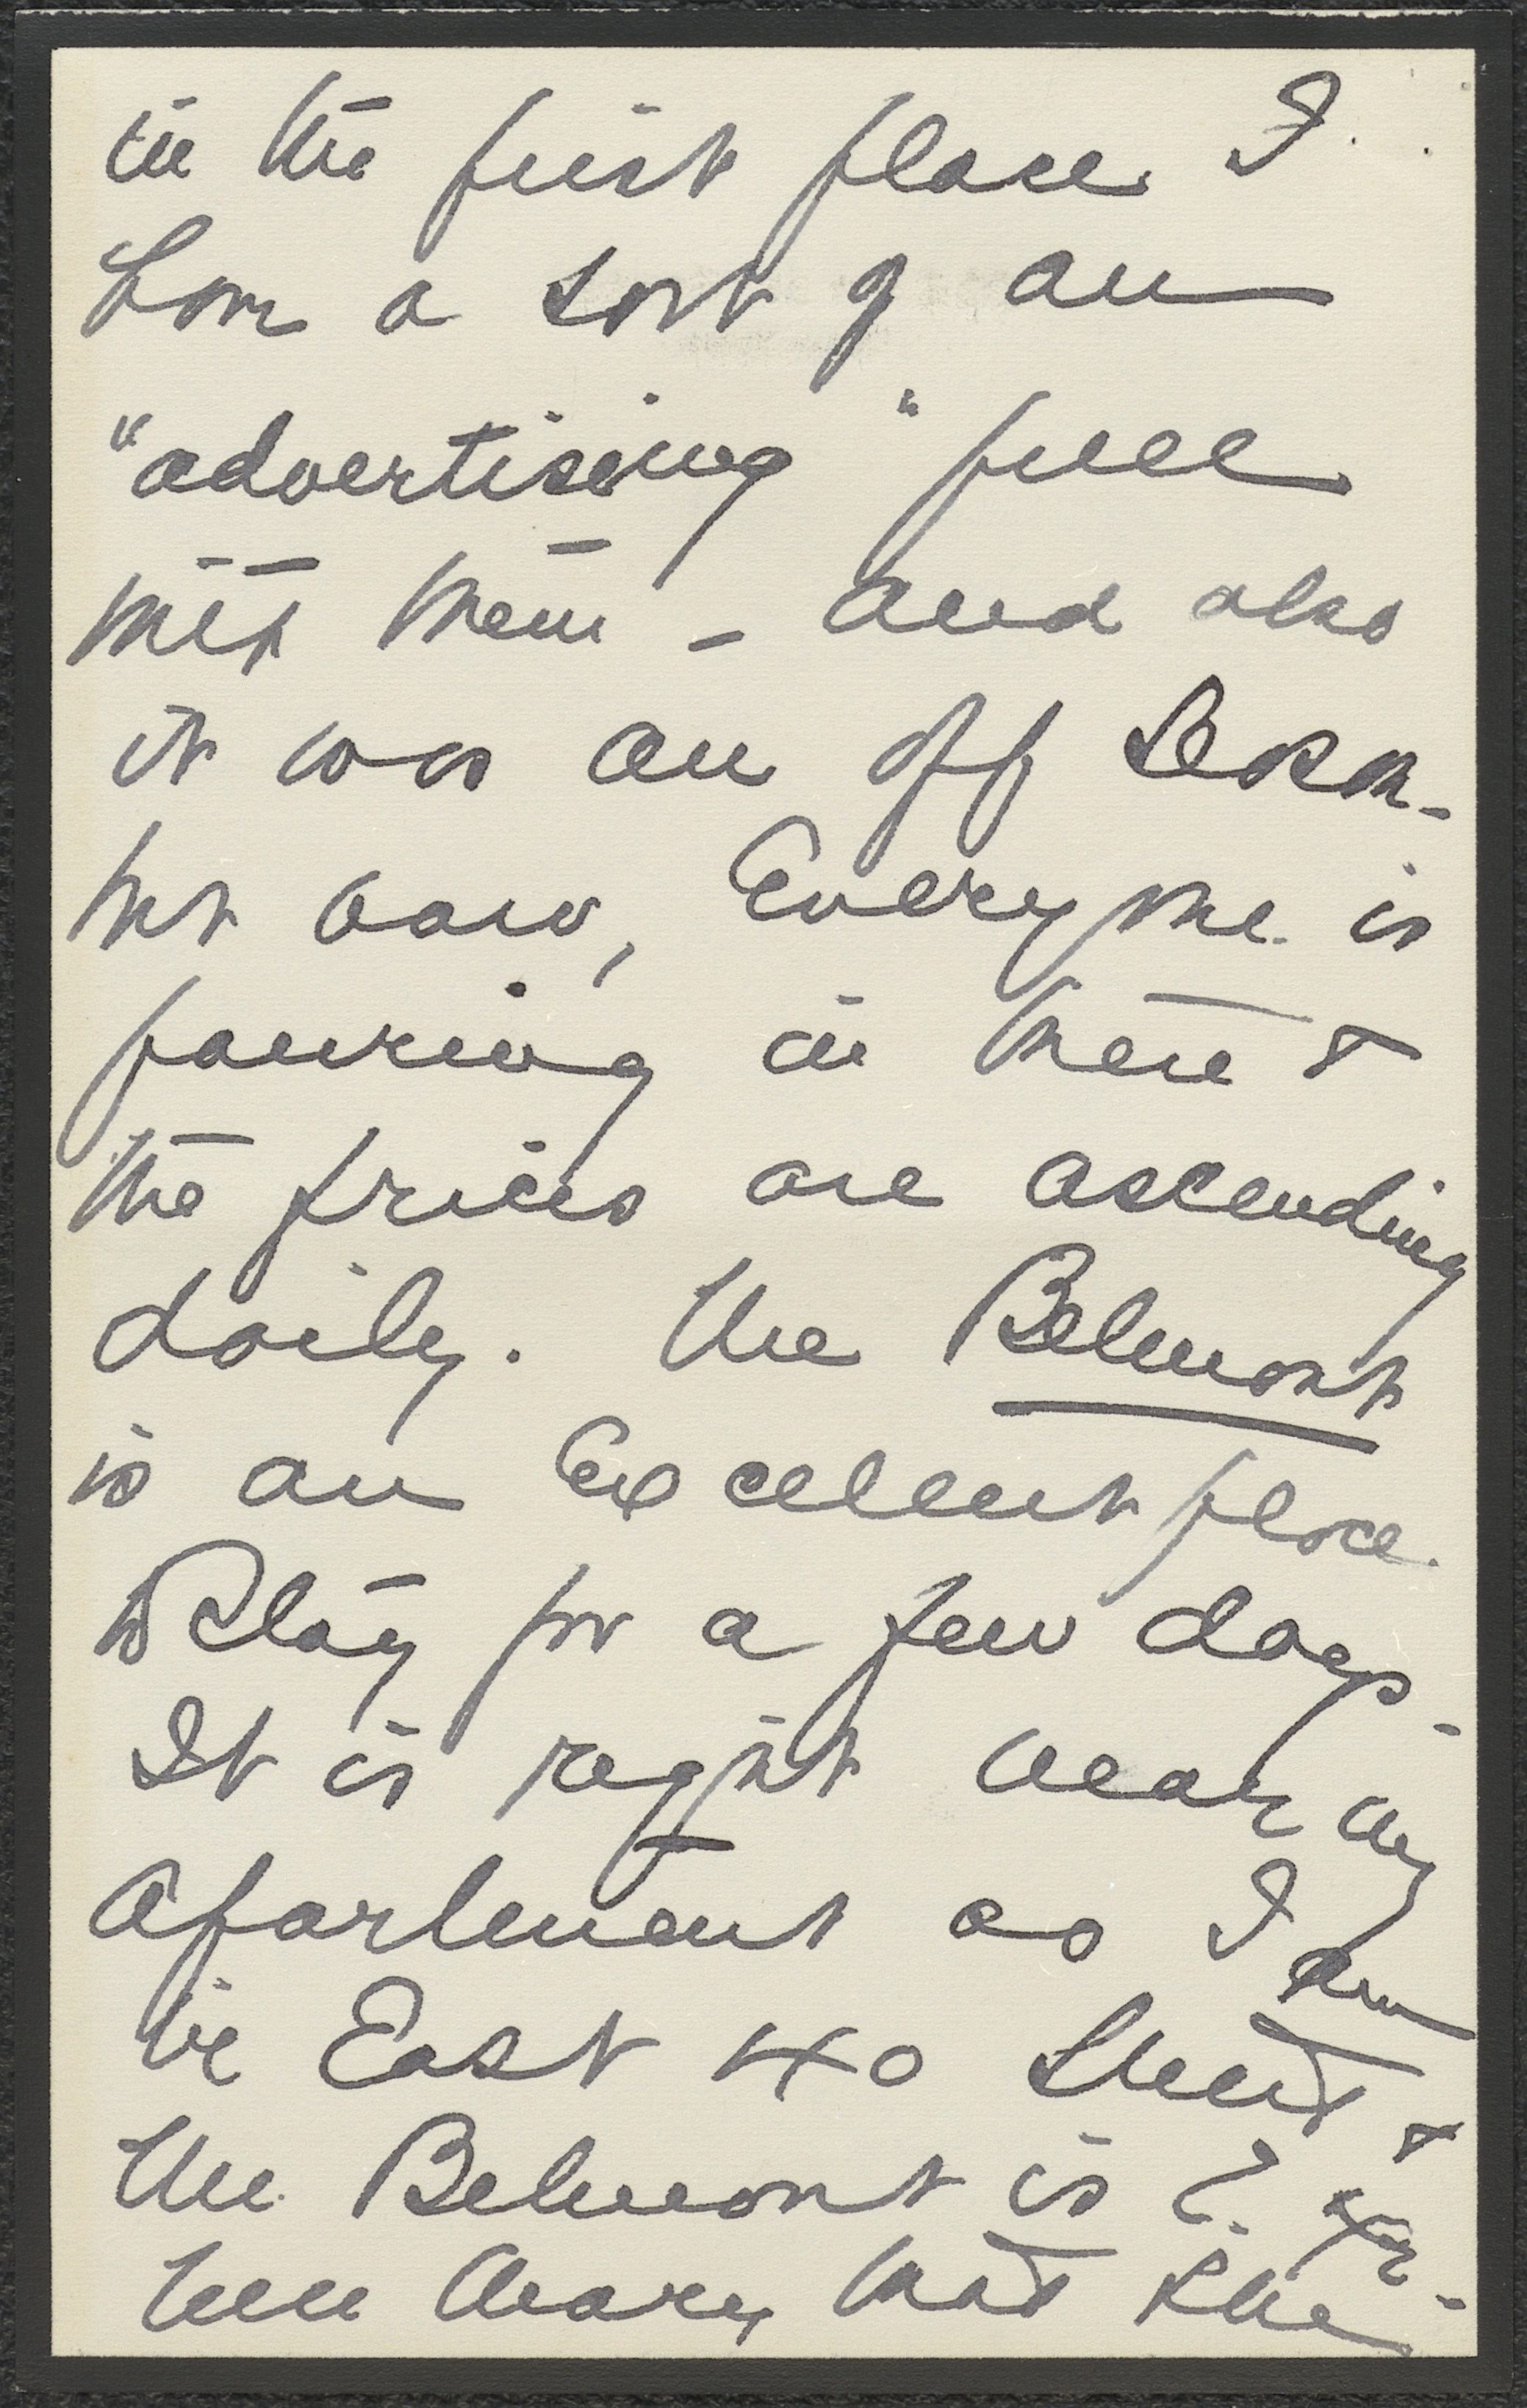in the first place I have a sort of an “advertising” pull with them – and also it was an off season – but now, everyone is pouring in there & the prices are ascending daily. The Belmont is an excellent place to stay for a few days –
It is right near my apartment as I am in East 40 Street & The Belmont is E. 42 –
Tell Mary that she